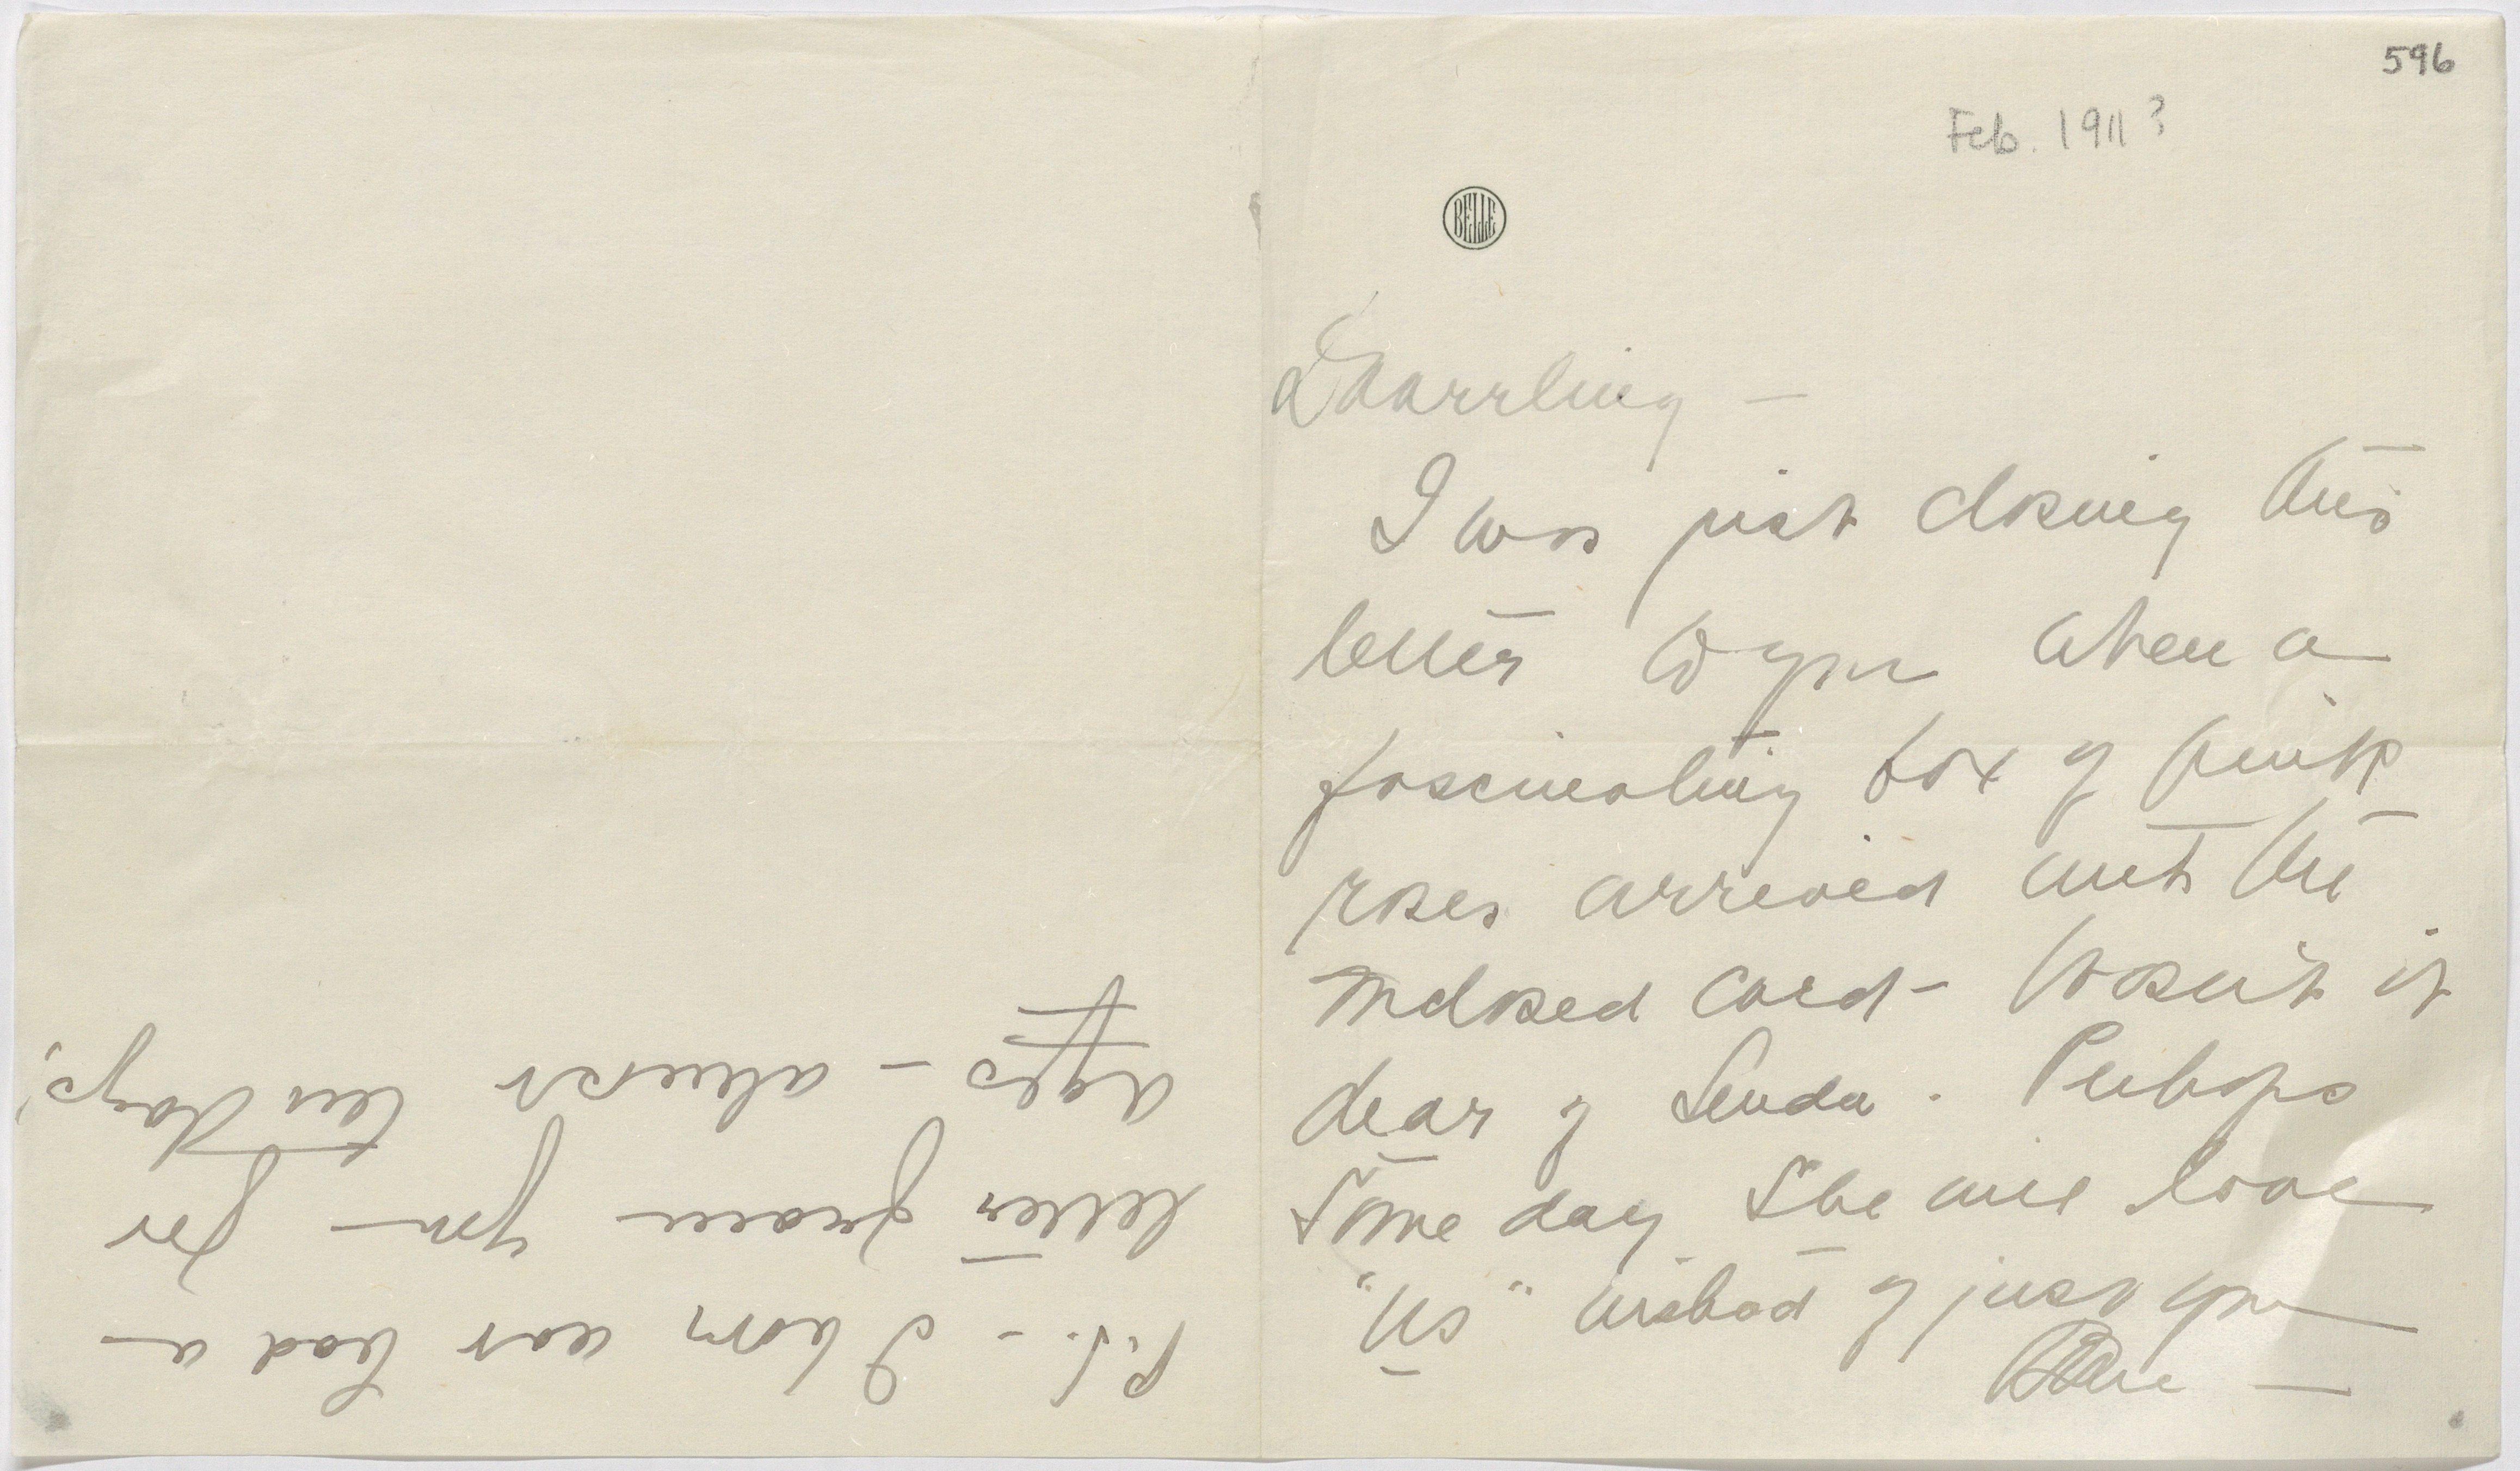Daarrling –
I was just closing this letter to you when a fascinating box of pink roses arrived with the enclosed card – Wasn’t it dear of Senda. Perhaps some day she will love “us” instead of just you
Belle –
[written upside down]
P.S. – I have not had a letter from you for [double underlined: days] – almost ten days.